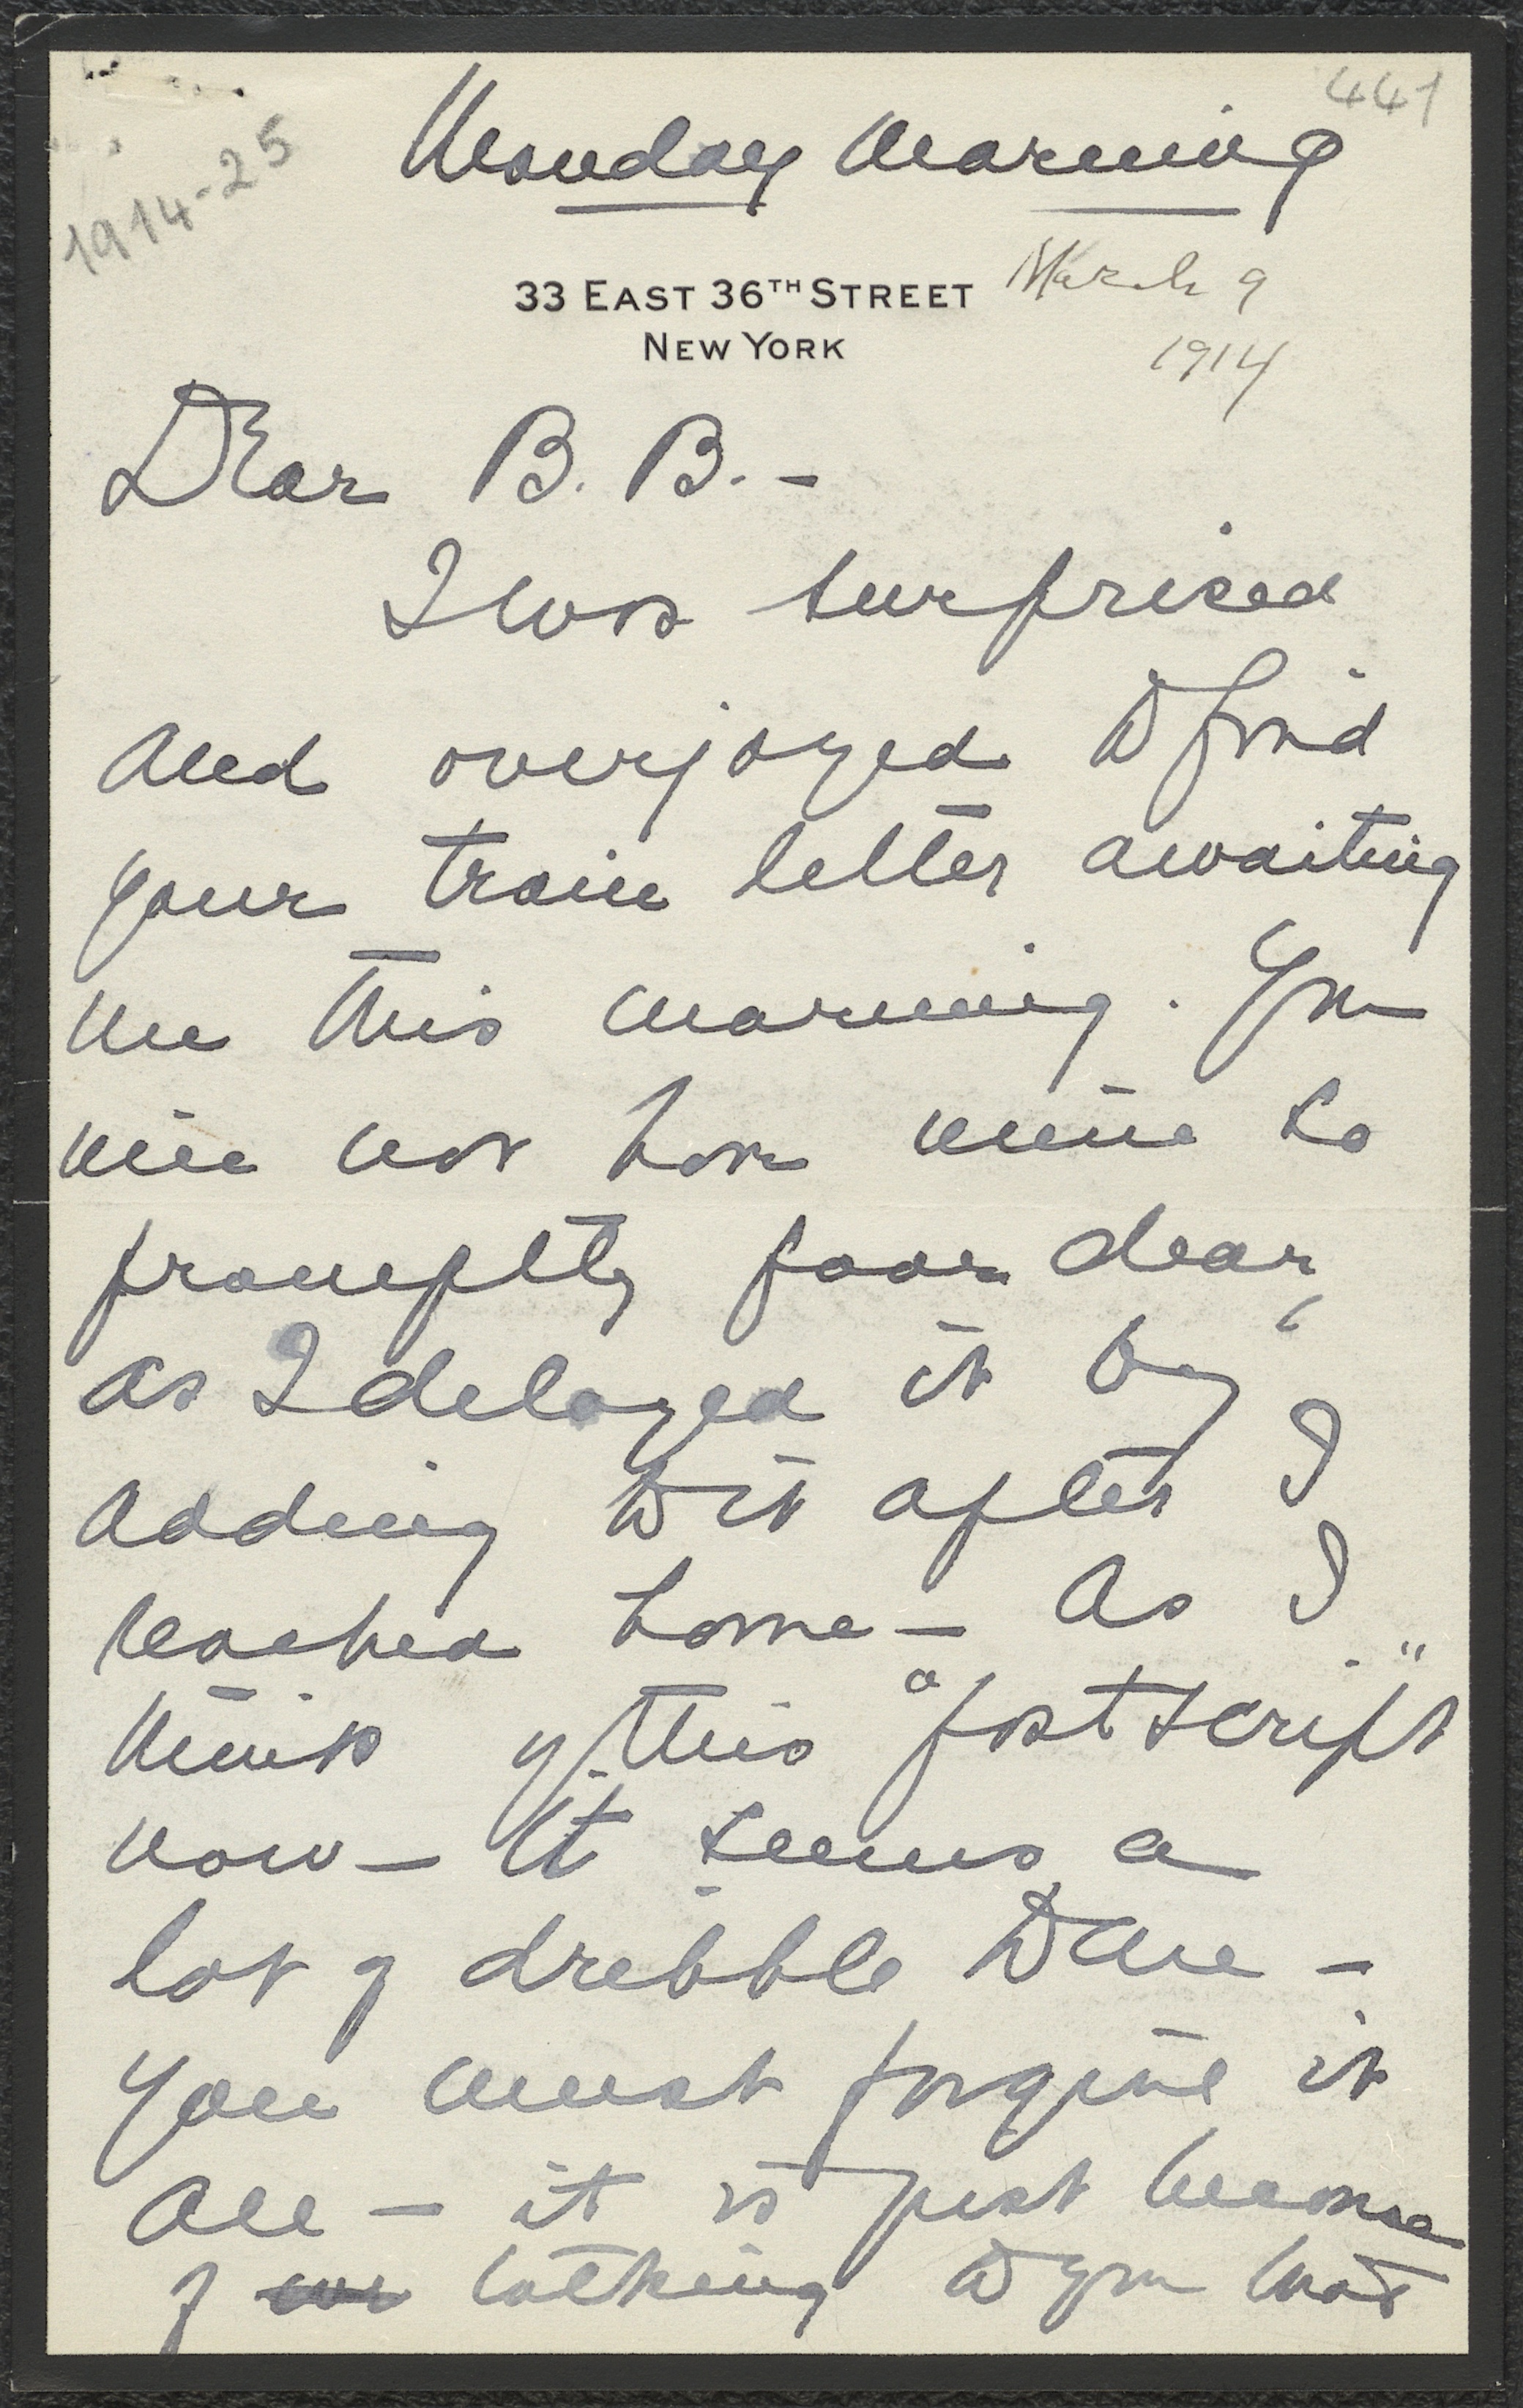Monday morning
Dear B.B. –
I was surprised and overjoyed to find your train letter awaiting me this morning. You will not have mine so promptly poor dear, as I delayed it by adding to it after I reached home – As I think of this “postscript” now – It seems a lot of dribble to me – You must forgive it all – it is just because of wr talking to you that